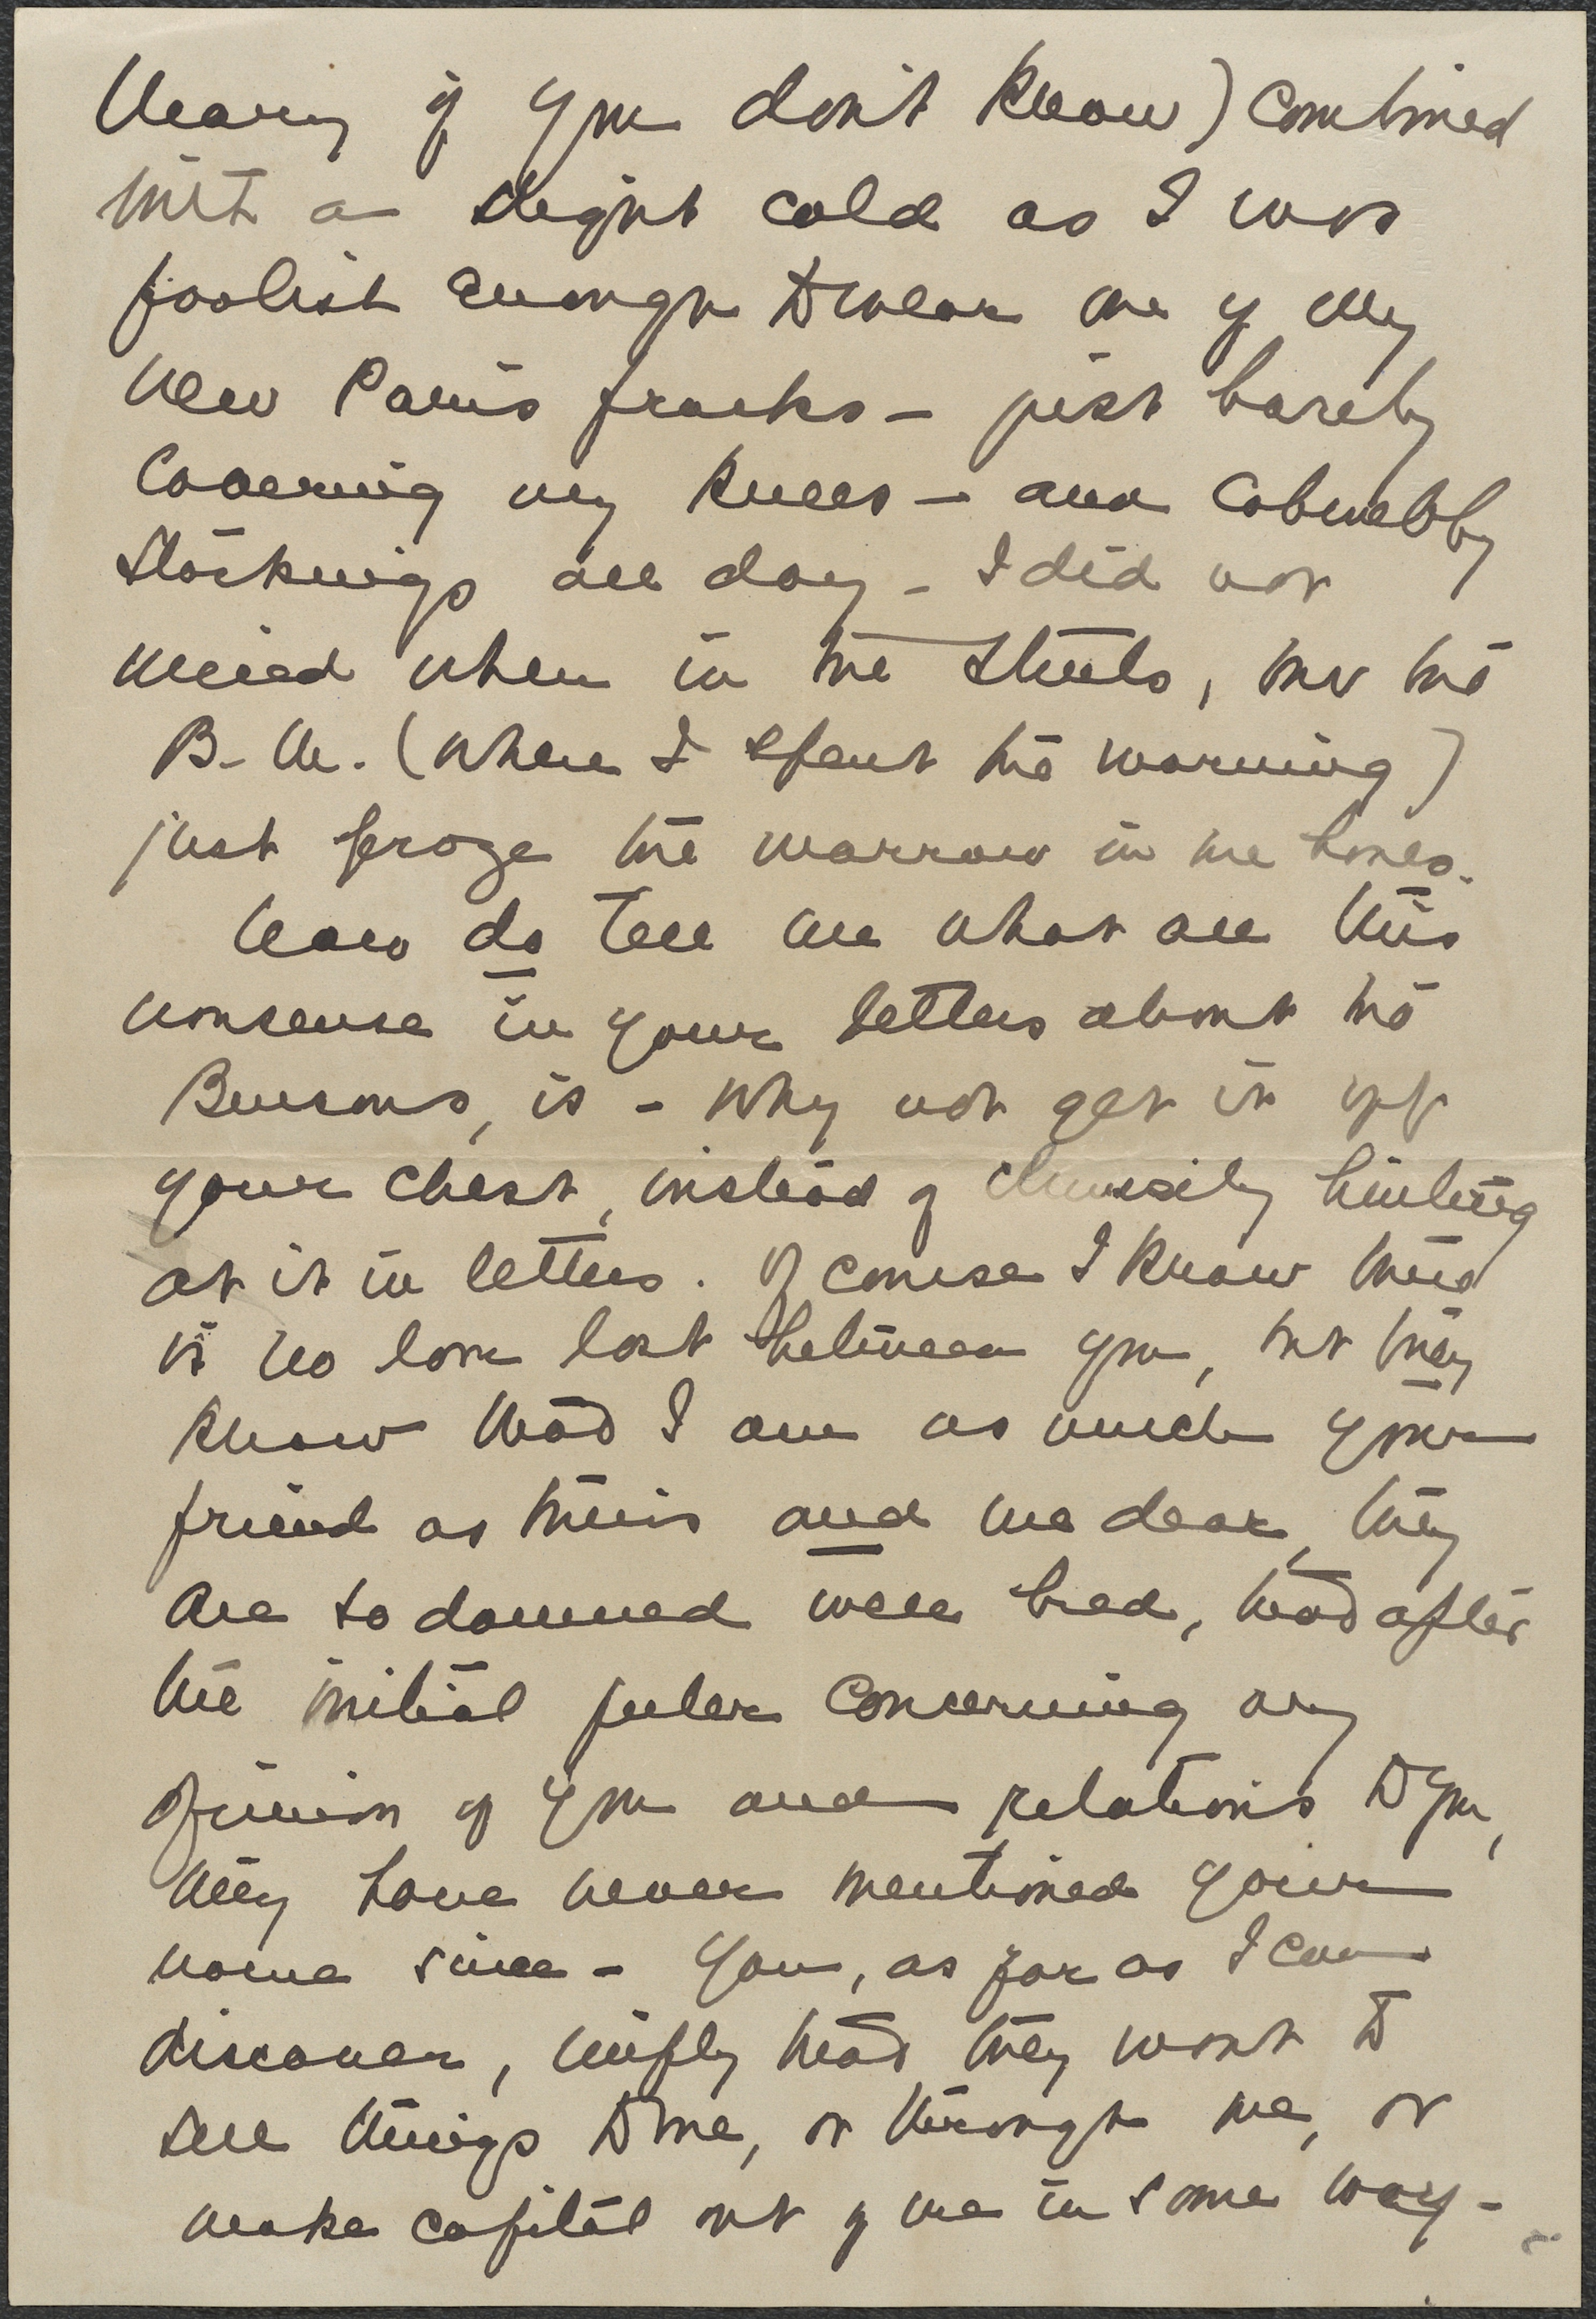Mary if you don't know) combined with a slight cold as I was foolish enough to wear one of my new Paris frocks – just barely covering my knees – and cobwebby stockings all day – I did not mind when in the streets, but the B.M. (where I spent the morning) just froze the marrow in me bones.
Now do tell me what all this nonsense in your letters about the Bensons, is – Why not get it off your chest, instead of clumsily hinting at it in letters. Of course I know there is no love lost between you, but they know that I am as much your friend as theirs and me dear, they are so damned well bred, that after the initial feeler concerning my opinion of you and relations to you, they have never mentioned your name since – You, as far as I can discover, imply that they want to sell things to me, or through me, make capital out of me in some way –